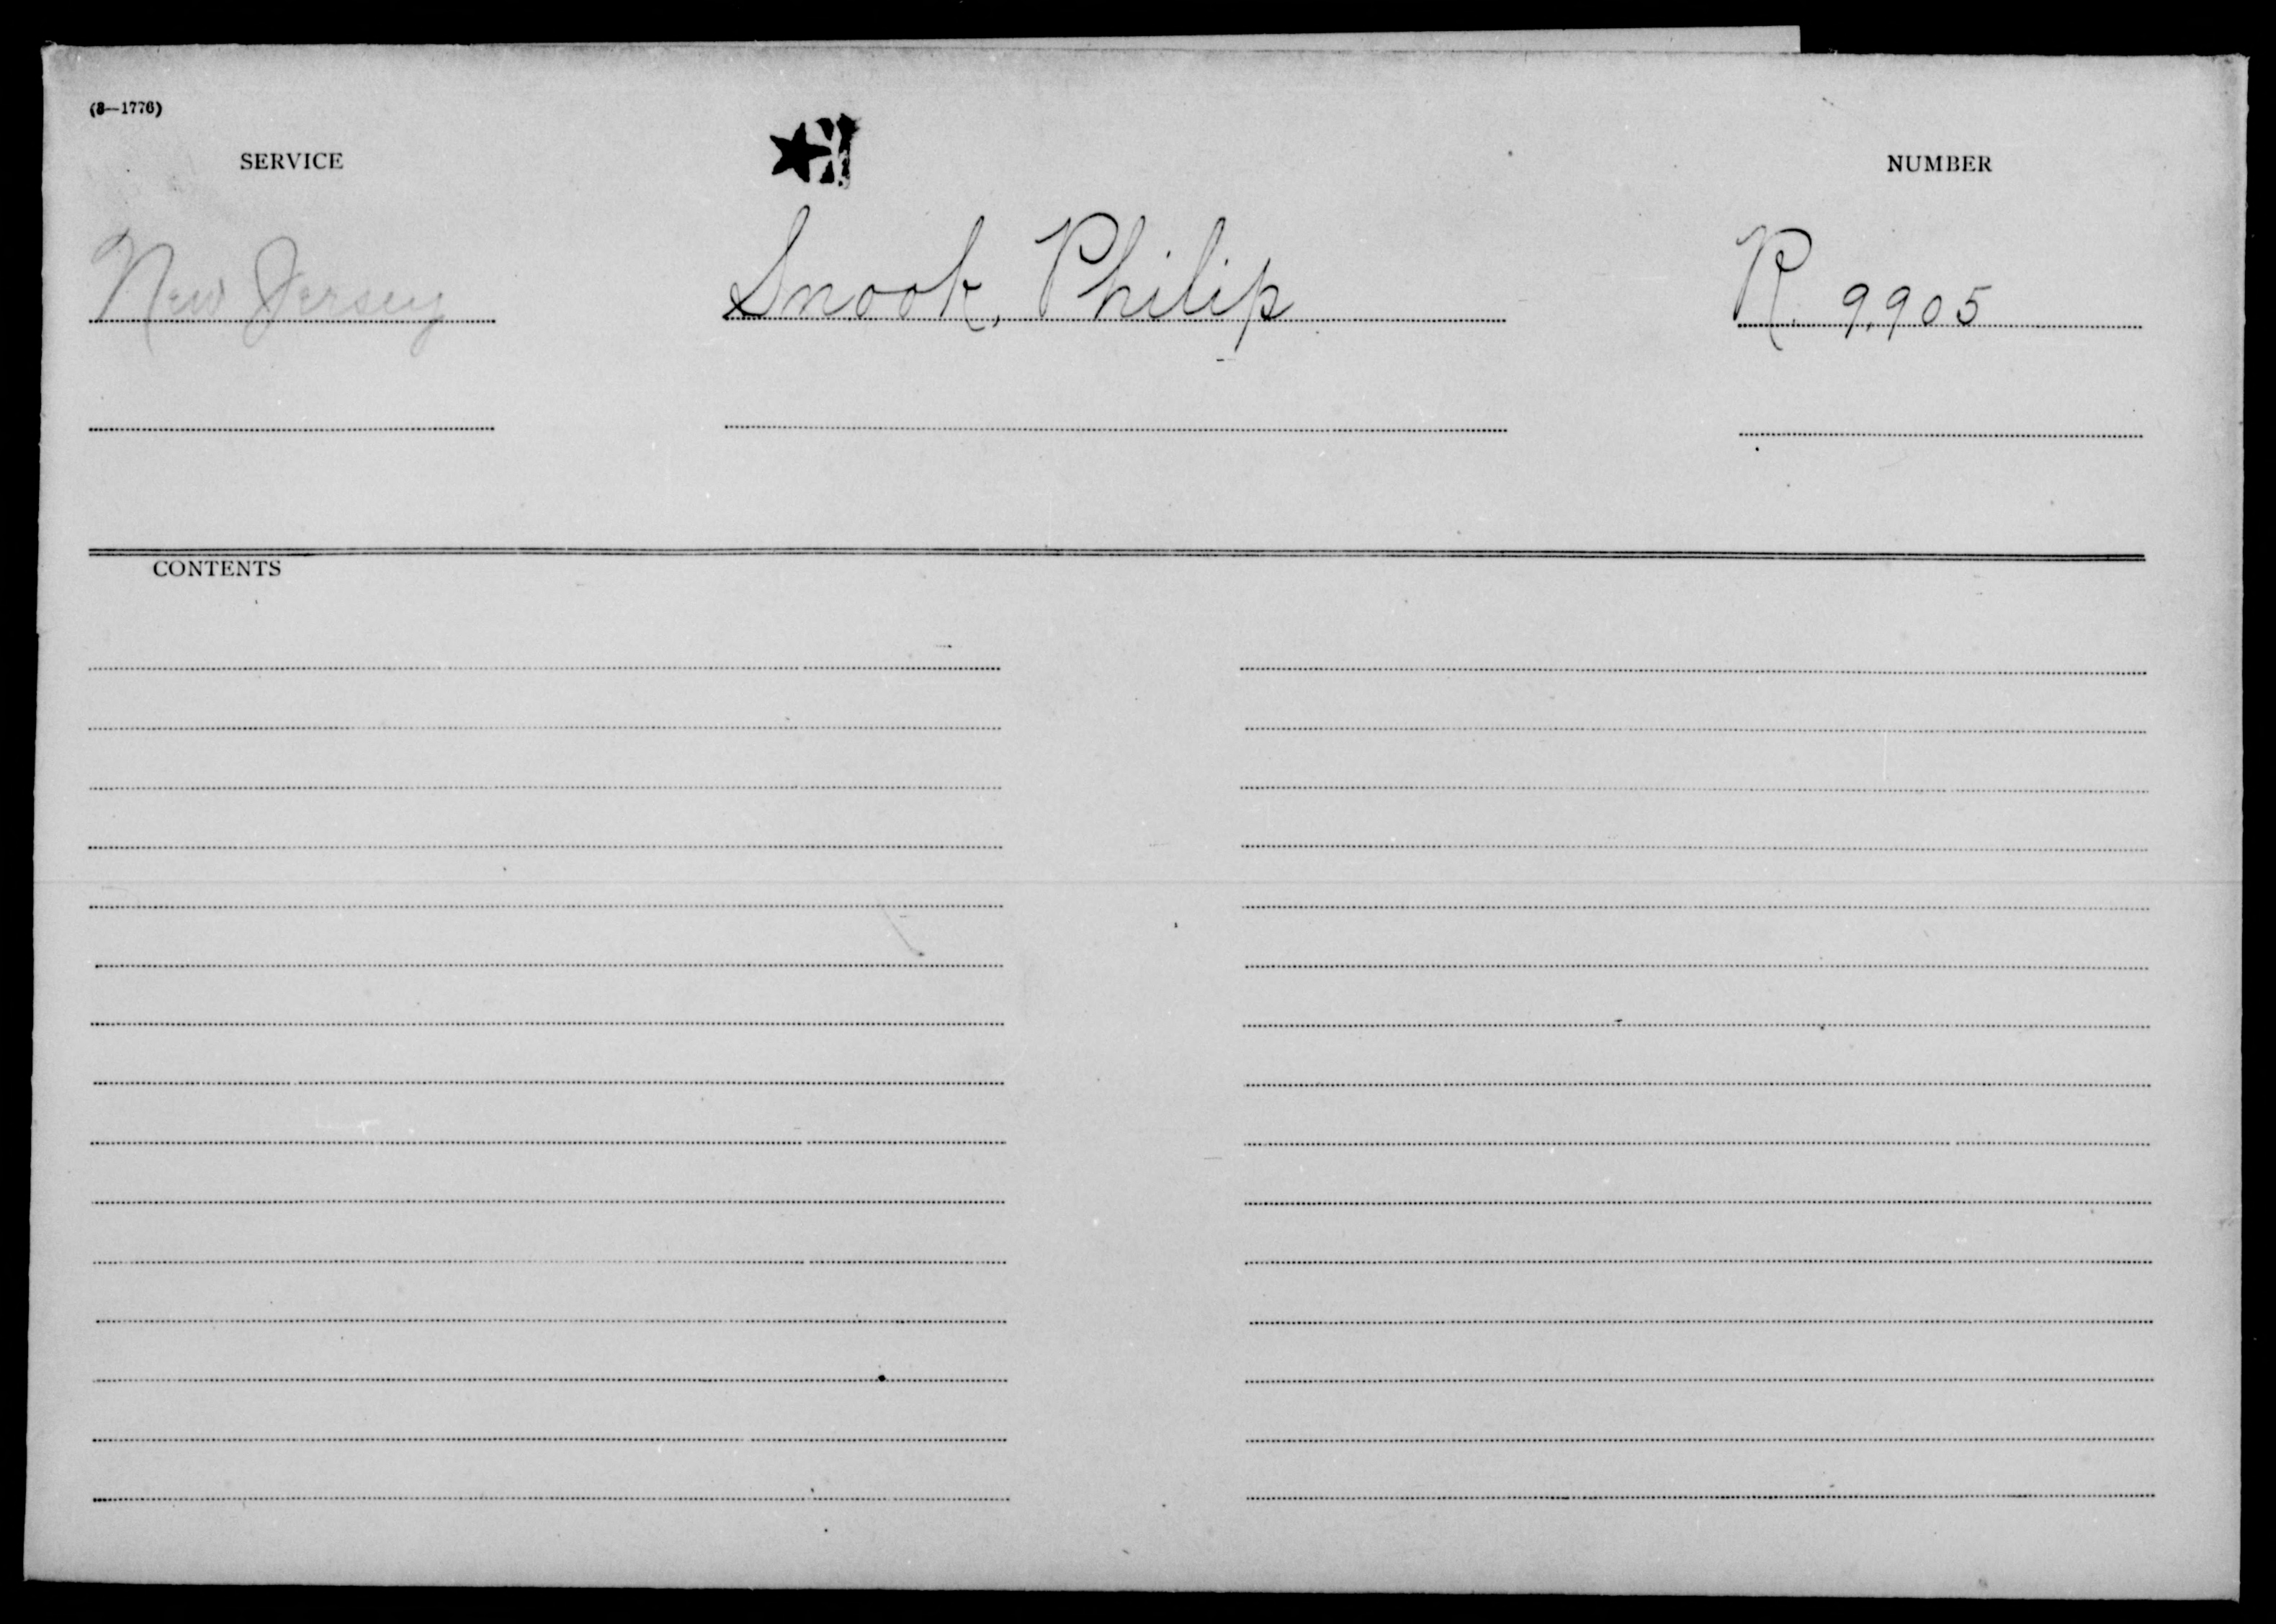(3-1776)

SERVICE
New Jersey

Snook, Philip

NUMBER
R 9.905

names: [BLANK]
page: 1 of 15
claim: rejected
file: R. 9,905, for Philip Snook, New Jersey